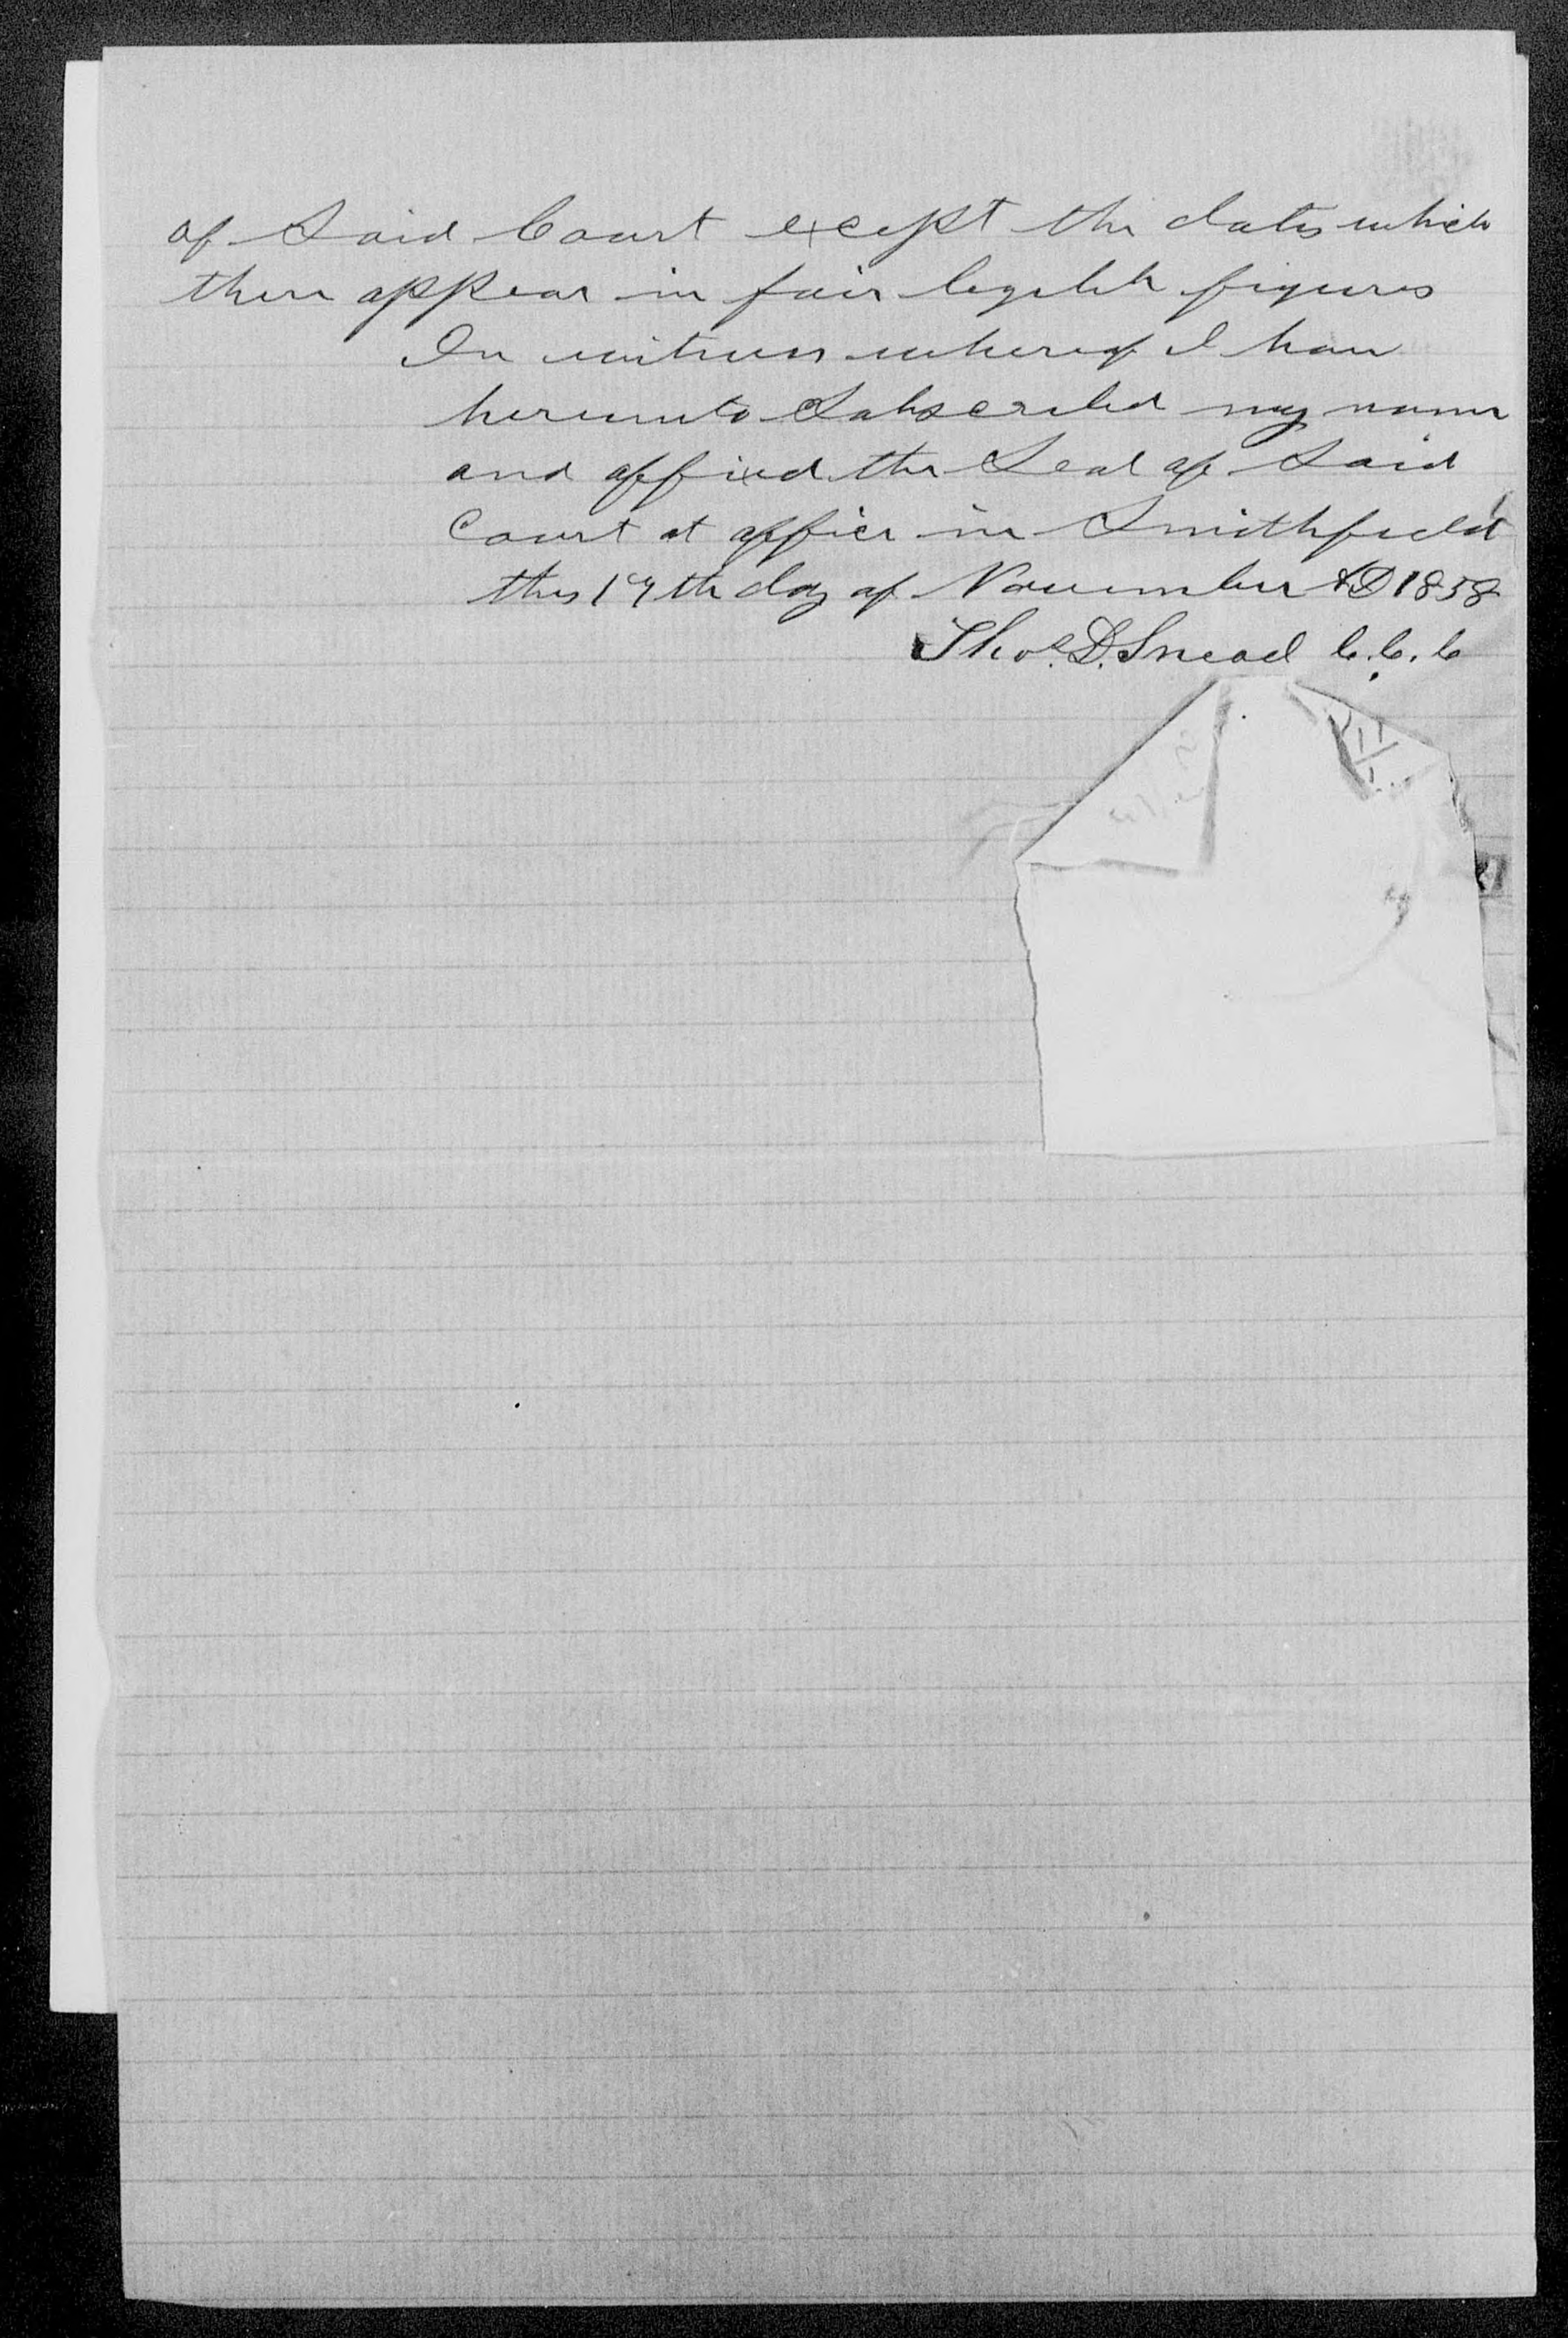of said Court except the dates with there appear in fair [illegible] figures.
In witness whereof I have hereunto subscribed my name and affixed the seal of said court at office in Smithfield this 17th day of November AD 1858
Thos.D. Snead C.C.C.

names: Thos D Snead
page: 11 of 86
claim: widow's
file: W. 6899, James Carrell, N.C.